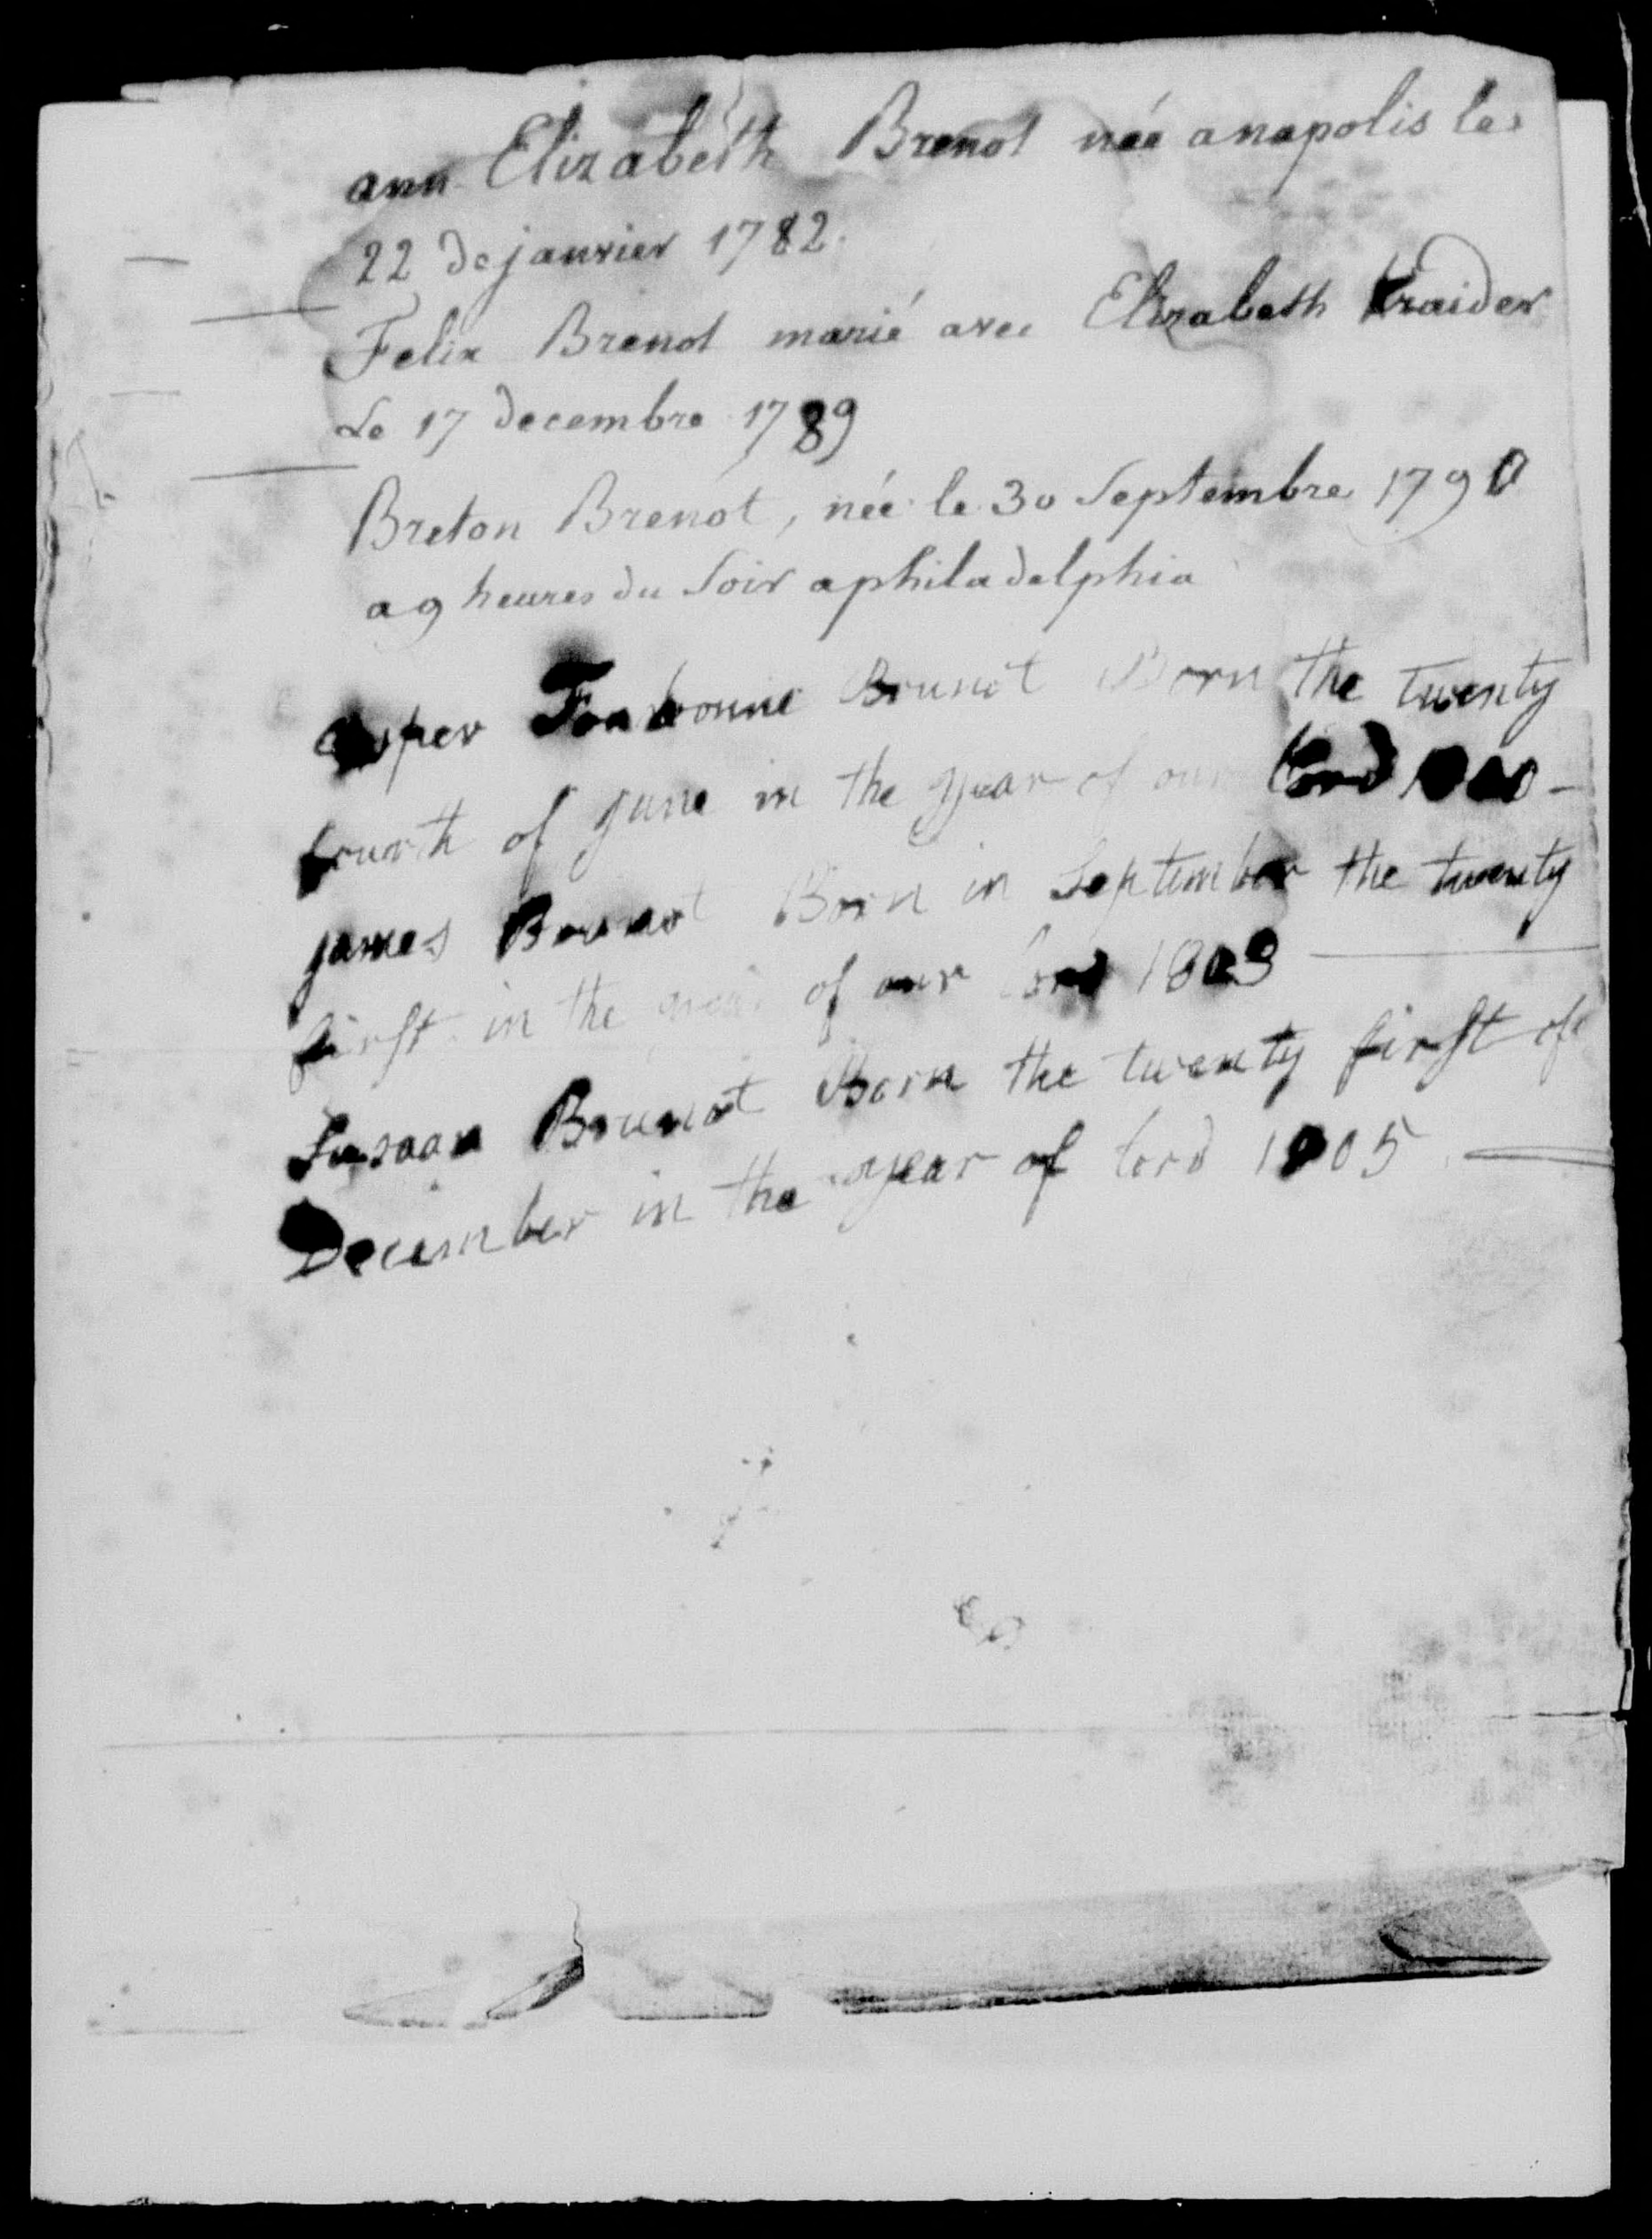[in French]
ann Elisabeth Breno nee anapolis le 22 de jannier 1782.
Felix Brenot marie avec Elisabeth Kraider de 17 decembre 1789
Breton Brenot, nee le 30 Septembre 1790 ag heure du soir a philadelphia
[illegible] Fonbonne Brunot Born the twenty fourth of June in the year of our lord [illegible]
James Brunot Born in September the twenty fifth in the year of our lord 18[illegible]
Susaan Brunot Born the twenty fifth of December in the year of our lord 1805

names: Susaan Brunot, Elizabeth Kraider, James Brunot, Felix Brenot, Breton Brenot, Brunot, Elizabeth Brenot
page: 10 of 34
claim: rejected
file: R. 1371, Felix Brunot, Penn.